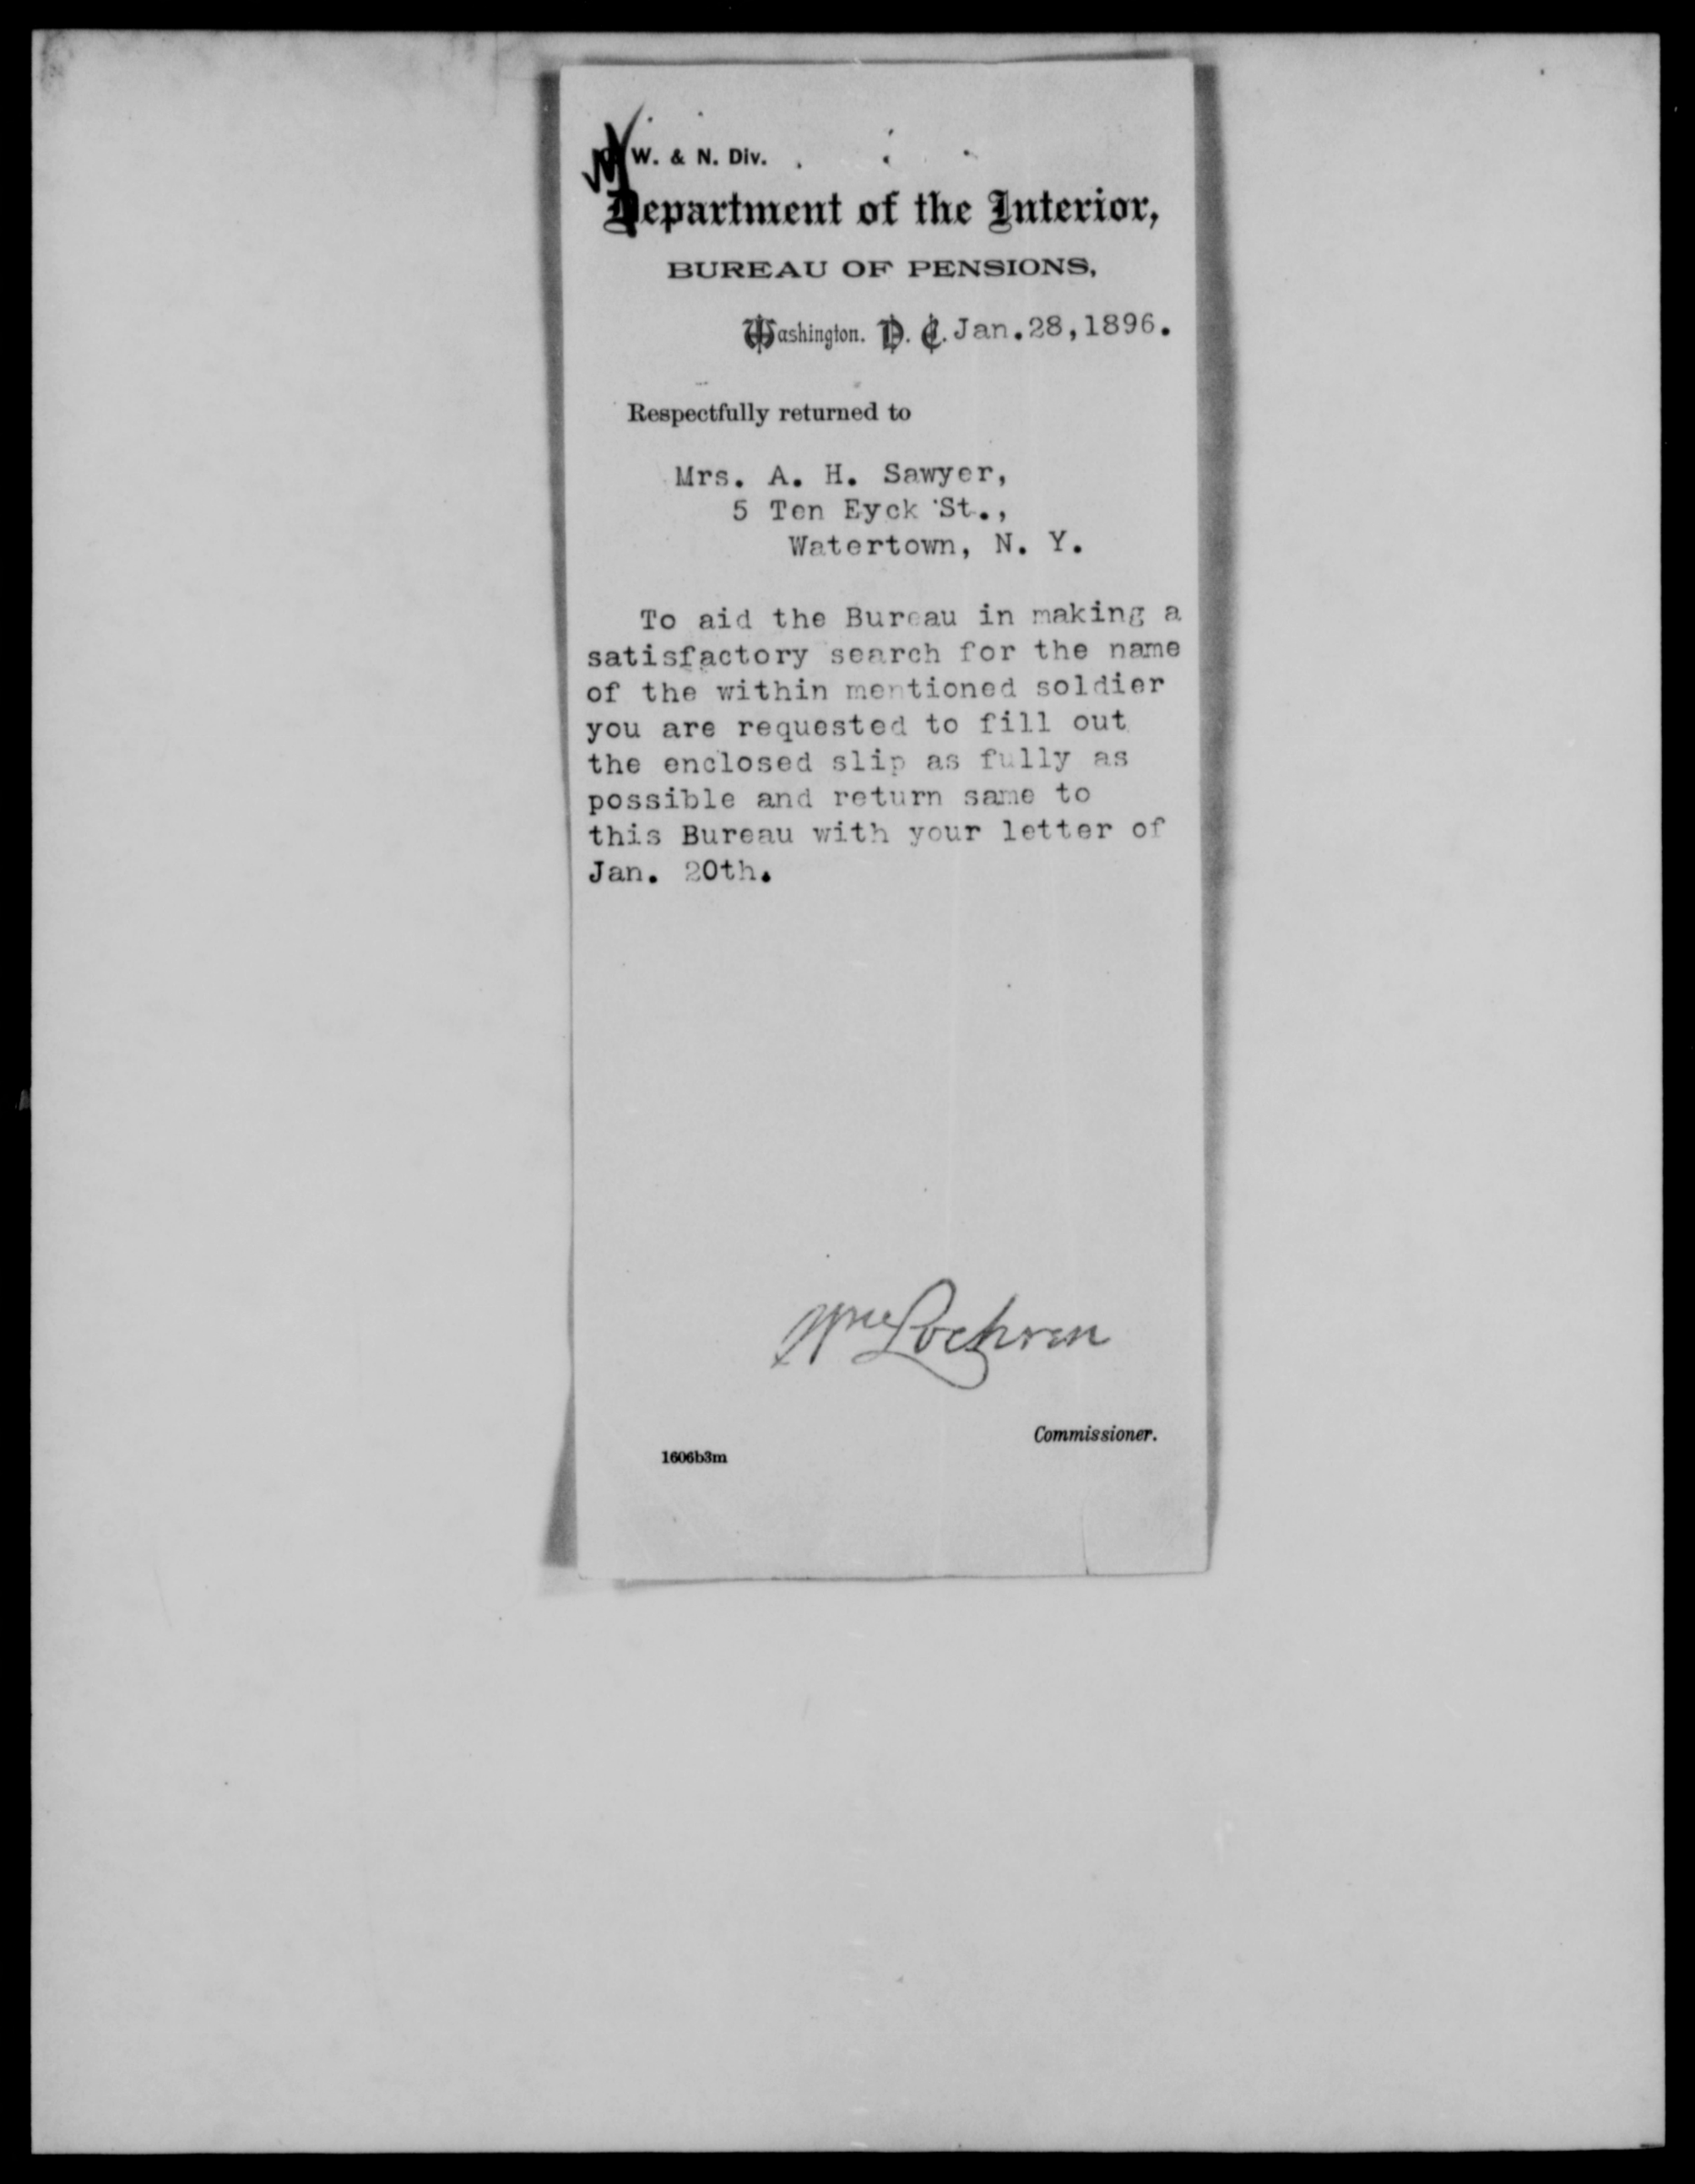W. & N. Div.
Department of the Interior
Bureau of Pensions
Washington D. C. Jan. 28, 1896

Respectfully returned to

Mrs. A. H. Sawyer,
5 Ten Eyck St.
Watertown, N. Y.

To aid the Bureau in making a satisfactory search for the name of the within mentioned soldier you are requested to fill out the enclosed slip as fully as possible and return same to this Bureau with your letter of Jan. 20th.

Wm Lochren
Commissioner.
1606b3m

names: Wm Lochren, A H Sawyer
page: 46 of 63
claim: widow's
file: W. 22,632, David Williams, Conn. Continental Privateer